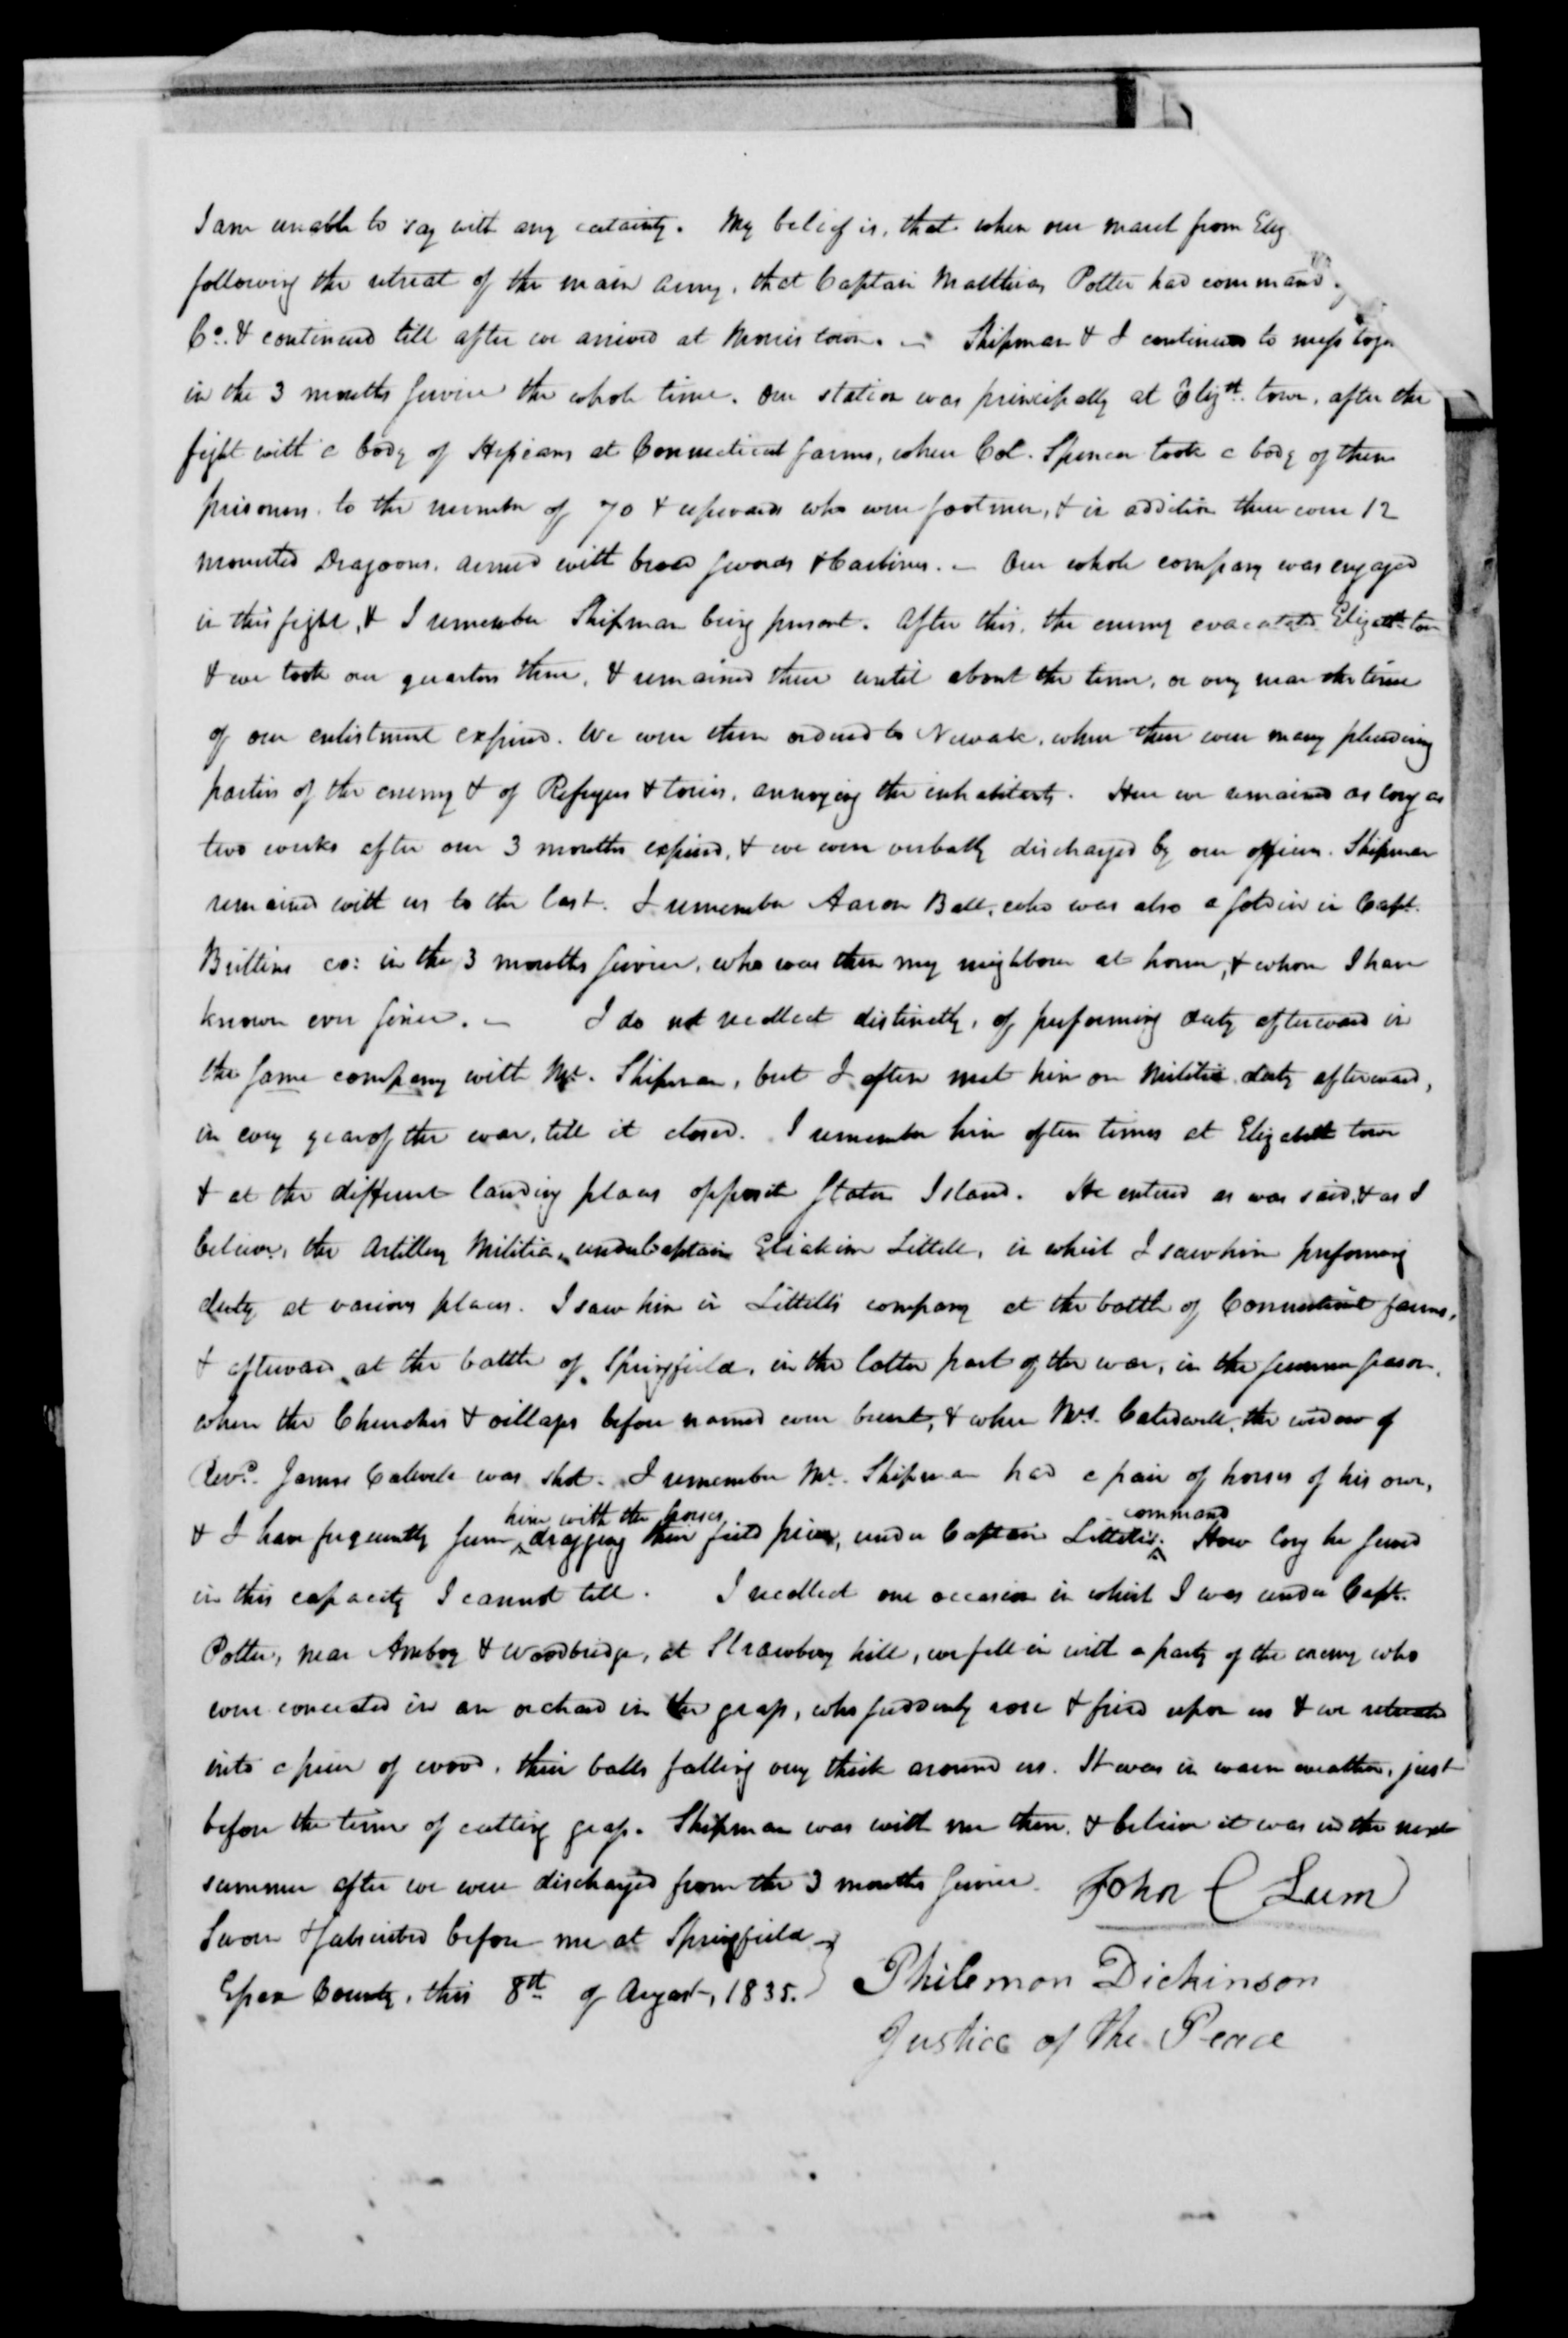I am unable to say with any certainty. My belief is, that when our march from Eliz[cut off] 
following the retreat of the main army, that Captain Matthias Potter had command of Co. 
& continued till after we arrived at Morris town.-Shipman & I continue to mess together in the 3 months service the whole time. Our station was principally at Elizth town, after the fight with a body of Hessians at Connecticut farms, when Col. Spencer took a body of them prisoners to the number of 70 & upwards who were footmen, & in addition thereon 12 mounted Dragoons, armed with broad swords & Carbines. Our whole company was engaged
in this fight & I remember Shipman being present. After this, the enemy evacuated Elizth town & we took our quarter there, & remained there until about the time, or very near the time
of our enlistment expired. We were then ordered to Newark, where there were many plundering parties of the enemy & refugees & tories, annoying the inhabitants. Here we remain as long as two weeks after our 3 months expired, & we were verbally discharged by our officers. Shipman remained with us to the last. I remember Aaron Ball, who was also a soldier in Capt. Brittin's Co. in the 3 months service, who was then my neighbor at home, & whom I have
known ever since. I do not recollect distinctly ,of performing duty afterward in the same company with Mr. Shipman, but I after met him on Militia at afterward, in every year of the war, till it closed I remember him often times at Elizabeth town & at the different landing places opposite Staten Island. He entered as was said & as I believe the Artillery Militia under Captain Eliakim Littell, in which I saw him performing 
duty at various places. I saw him in Littells company at the battle of Connecticut farms,
& afterward at the battle of Springfield, in the latter part of the war, in the summer season, 
when the Churches & villages before named were burnt, & when Mrs. Caldwell, the widow of
Revd James Caldwell was shot. I remember Mr Shipman had a pair of horses of his own, & I have frequently seen him with the horses dragging t heir field piece under Captain Littell's command.  How long he served in this capacity I cannot tell. I recollect one occasion in which I was under Capt. Potter, near Amboy & Woodbridge, at Strawberry hill, we fell in with a party of the enemy who were concealed in an orchard in the grapes, who suddenly rose & fired upon us & we retreated into piece of wood, their balls falling very thick around us. It was in warm months, just before the time of cutting grapes. Shipman was with me then, & believe it was in the next summer after we were discharged from the 3 months service. 
John C. Lum

Sworn & subscribed before me at Springfield
Essex County, this 8th of August, 1835.
Philemon Dickinson
Justice of the Peace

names: Eliakim Littell; [BLANK] Shipman; [BLANK] Shipman; John C Lum; [BLANK] Shipman; James Calwell; [BLANK] Shipman; [BLANK] Potter; Matthias Potter; [BLANK] Caledwell; [BLANK] Spencer; [BLANK] Shipman; [BLANK] Littell; Aaron Ball; [BLANK] Shipman; Philemon Dickinson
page: 39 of 44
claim: survivor's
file: S. 912, for Samuel Shipman, New Jersey